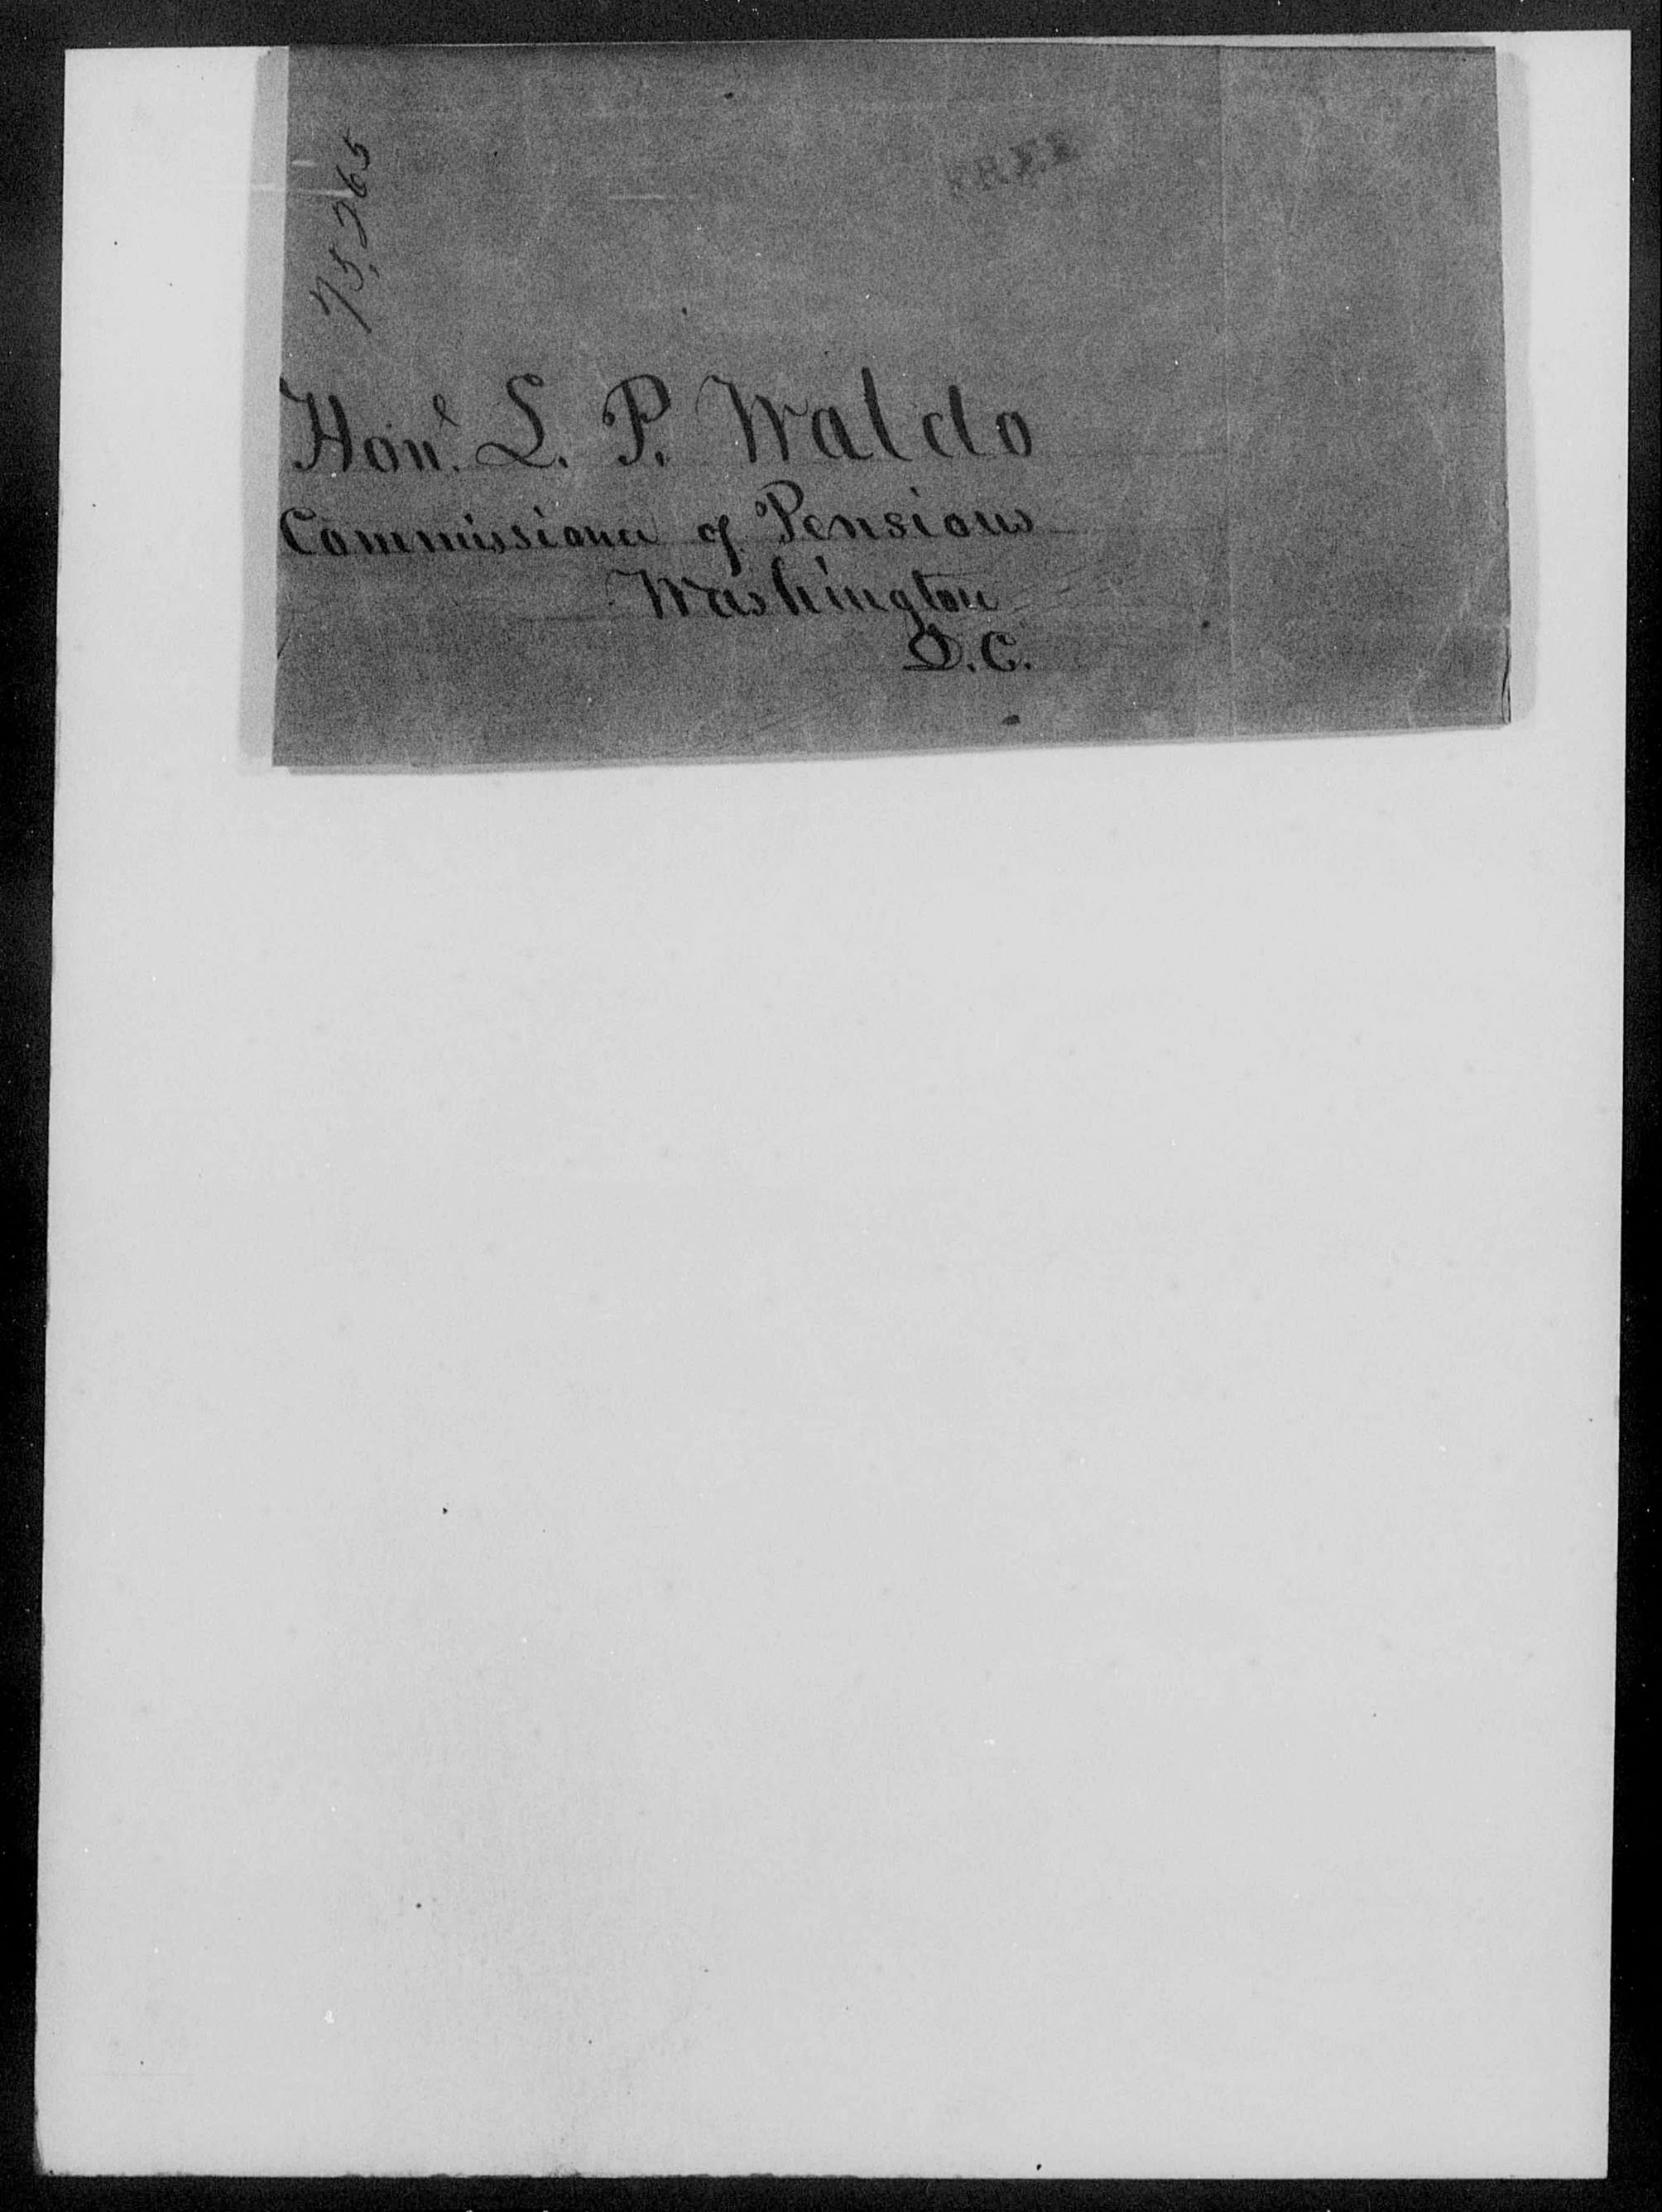75,265

F R E E



HON. L. P. Waldo
Commissioner of Pensions
Washington, 
D.C.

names: L P Waldo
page: 43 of 47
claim: widow's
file: W. 225, Gilbert Hatch, Conn.